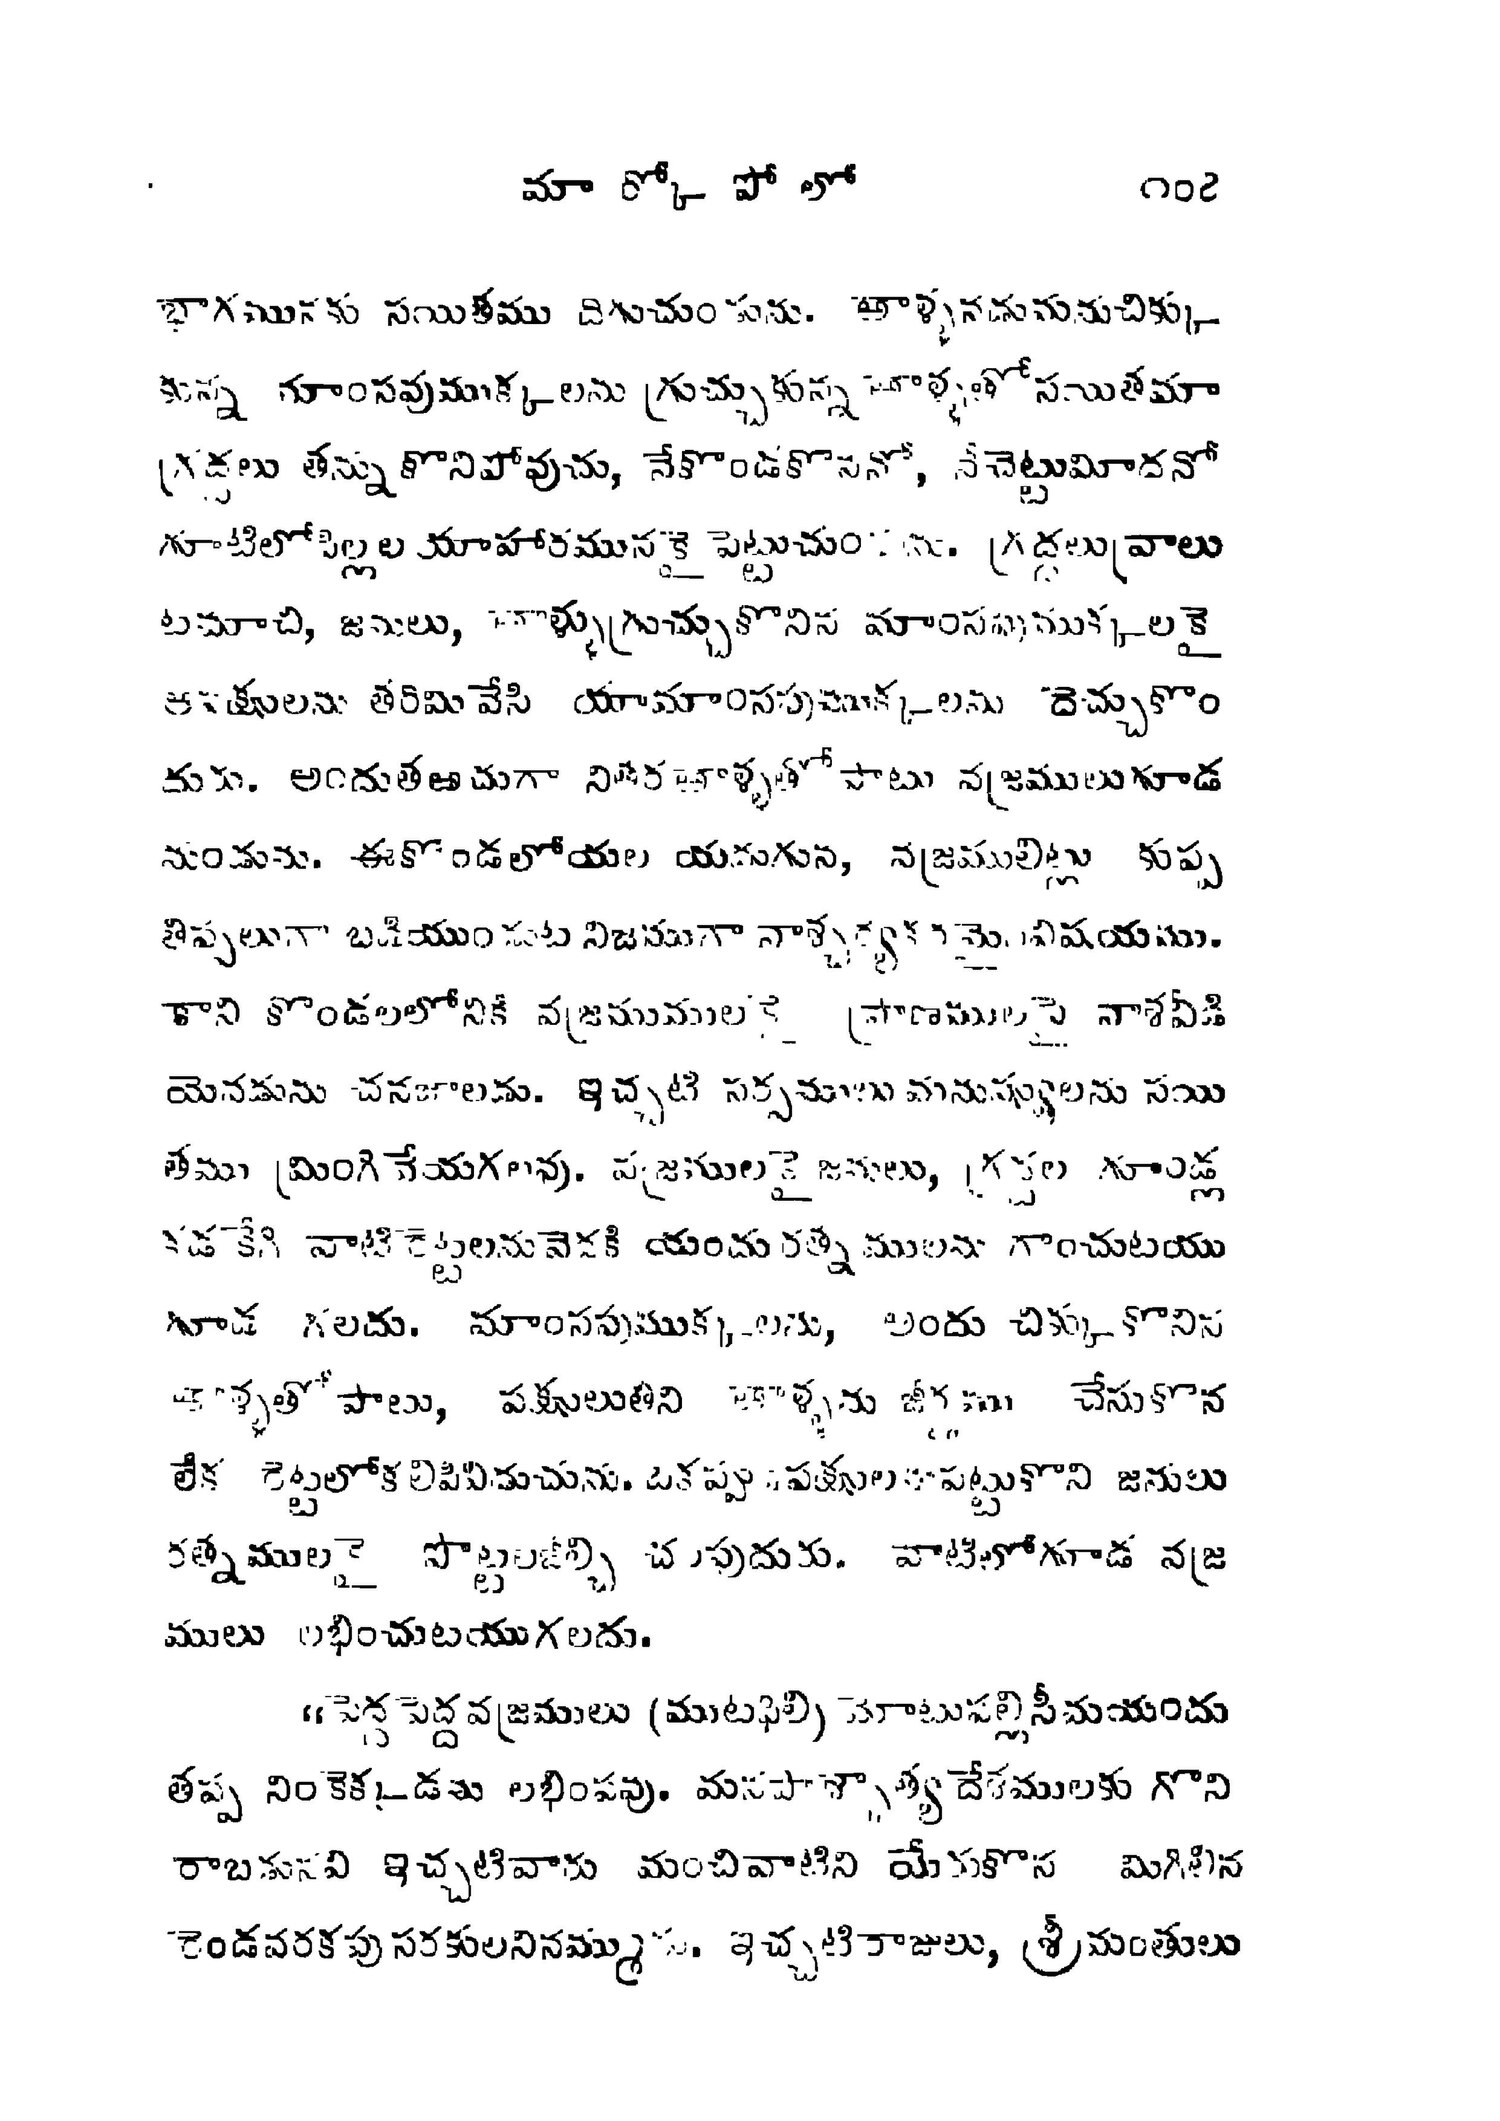భాగమునకు సయితము దిగుచుండును. ఱాళ్ళనడుమను చిక్కుకున్న మాంసపు ముక్కలను గ్రుచ్చుకున్న ఱాళ్ళతోసయితమాగ్రద్దలు తన్నుకొనిపోవుచు, నేకొండకొననో, నేచెట్టుమీదనో గూటిలోపిల్లల యాహారమునకై పెట్టుచుండును. గ్రద్దలు వ్రాలుటచూచి, జనులు, ఱాళ్ళుగ్రుచ్చుకొనిన మాంసపుముక్కలకై ఆపక్షులను తరిమివేసి యామాంసపుముక్కలను దెచ్చుకొందురు. అందు తఱచుగా నితర ఱాళ్ళతో పాటు వజ్రములుగూడ నుండును. ఈకొండలోయల యడుగున, వజ్రములిట్లు కుప్పతిప్పలుగా బడియుండుట నిజముగా నాశ్చర్యకరమైన విషయము. కాని కొండలోనికి వజ్రములకై ప్రాణములపై నాశవీడి యెవడును చనజాలడు. ఇచ్చటి సర్పములు మనుష్యులను సయితము మ్రింగివేయగలవు. వజ్రములకై జనులు, గ్రద్దల గూండ్లకడ కేగి వాటిరెట్టలను వెదకి యందు రత్నములను గాంచుటయు గూడగలదు. మాంసపు ముక్కలను, అందు చిక్కుకొనిన ఱాళ్ళతోపాటు, పక్షులు తిని ఱాళ్ళను జీర్ణము చేసుకొనలేక రెట్టలో కలిపి విడుచును. ఒకప్పుడు పక్షులను పట్టుకొని జనులు రత్నములకై పొట్టలజీల్చి చంపుదురు. వాటిలోగూడ వజ్రములు లభించుటయుగలదు.

"పెద్దపెద్దవజ్రములు (ముటఫిలి) మోటుపల్లిసీమయందు తప్ప నింకెక్కడను లభింపవు. మన పాశ్చాత్య దేశములకు గొనిరాబడునవి ఇచ్చటివారు మంచి వాటిని యేరుకొన మిగిలిన రెండ వరకపు సరకులనినమ్మును. ఇచ్చటిరాజులు, శ్రీమంతులు